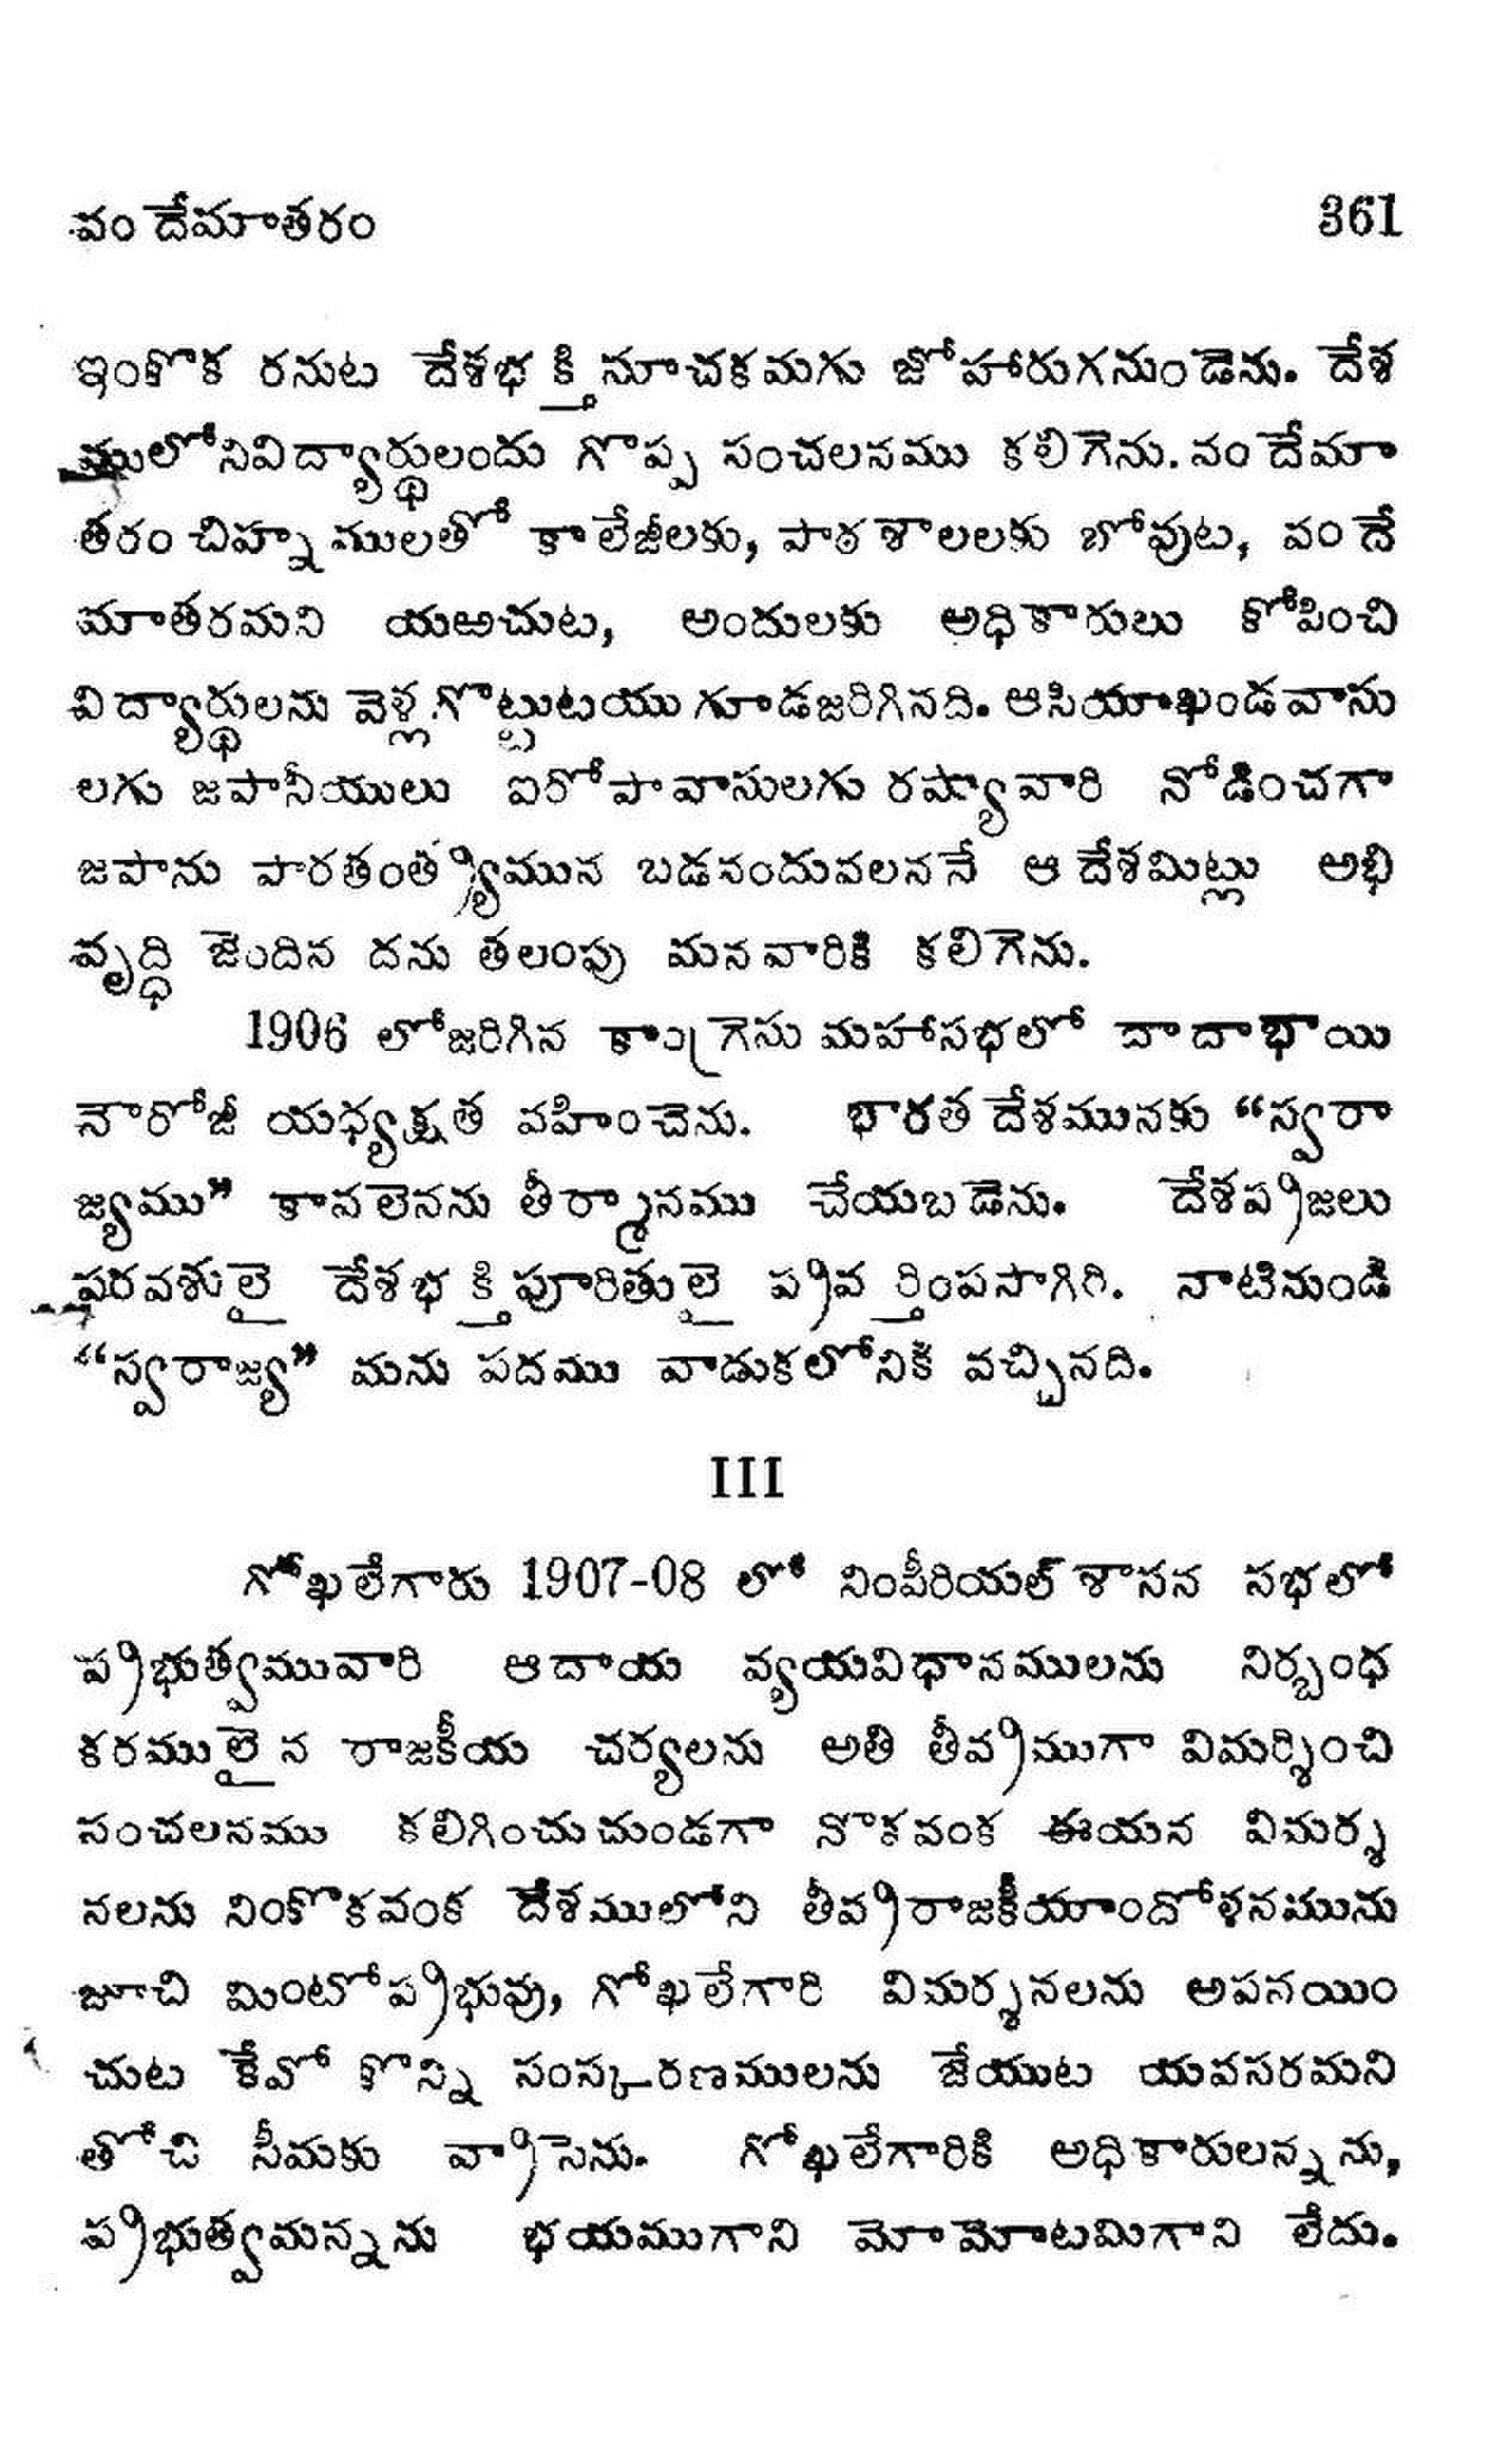ఇంకొక రనుట దేశభక్తి సూచకమగు జోహారుగనుండెను. దేశములోనివిద్యార్థులందు గొప్ప సంచలనము కలిగెను. వందేమాతరం చిహ్నములతో కాలేజీలకు, పాఠశాలలకు బోవుట, వందేమాతరమని యఱచుట, అందులకు అధికారులు కోపించి విద్యార్థులను వెళ్లగొట్టుటయు గూడజరిగినది. ఆసియాఖండవాసులగు జపానీయులు ఐరోపావాసులగు రష్యావారి నోడించగా జపాను పారతంత్ర్యమున బడనందువలననే ఆ దేశమిట్లు అభివృద్ధి జెందిన దను తలంపు మనవారికి కలిగెను. 

1906 లోజరిగిన కాంగ్రెసు మహాసభలో దాదాభాయి నౌరోజీ యధ్యక్షత వహించెను. భారతదేశమునకు “స్వరాజ్యము" కావలెనను తీర్మానము చేయబడెను. దేశప్రజలు - పరవశులై దేశభక్తిపూరితులై ప్రవర్తింపసాగిరి. నాటినుండి “స్వరాజ్య" మను పదము వాడుకలోనికి వచ్చినది.

III 

గోఖలేగారు 1907-08 లో నింపీరియల్ శాసన సభలో ప్రభుత్వమువారి ఆదాయ వ్యయవిధానములను నిర్బంధకరములైన రాజకీయ చర్యలను అతి తీవ్రముగా విమర్శించి సంచలనము కలిగించుచుండగా నొకవంక ఈయన విమర్శనలను నింకొకవంక దేశములోని తీవ్రరాజకీయాందోళనమును జూచి మింటోప్రభువు, గోఖలేగారి విమర్శనలను అపనయించుట కేవో కొన్ని సంస్కరణములను జేయుట యవసరమని తోచి సీమకు వ్రాసెను. గోఖలేగారికి అధికారులన్నను, ప్రభుత్వమన్నను భయముగాని మోమోటమిగాని లేదు.